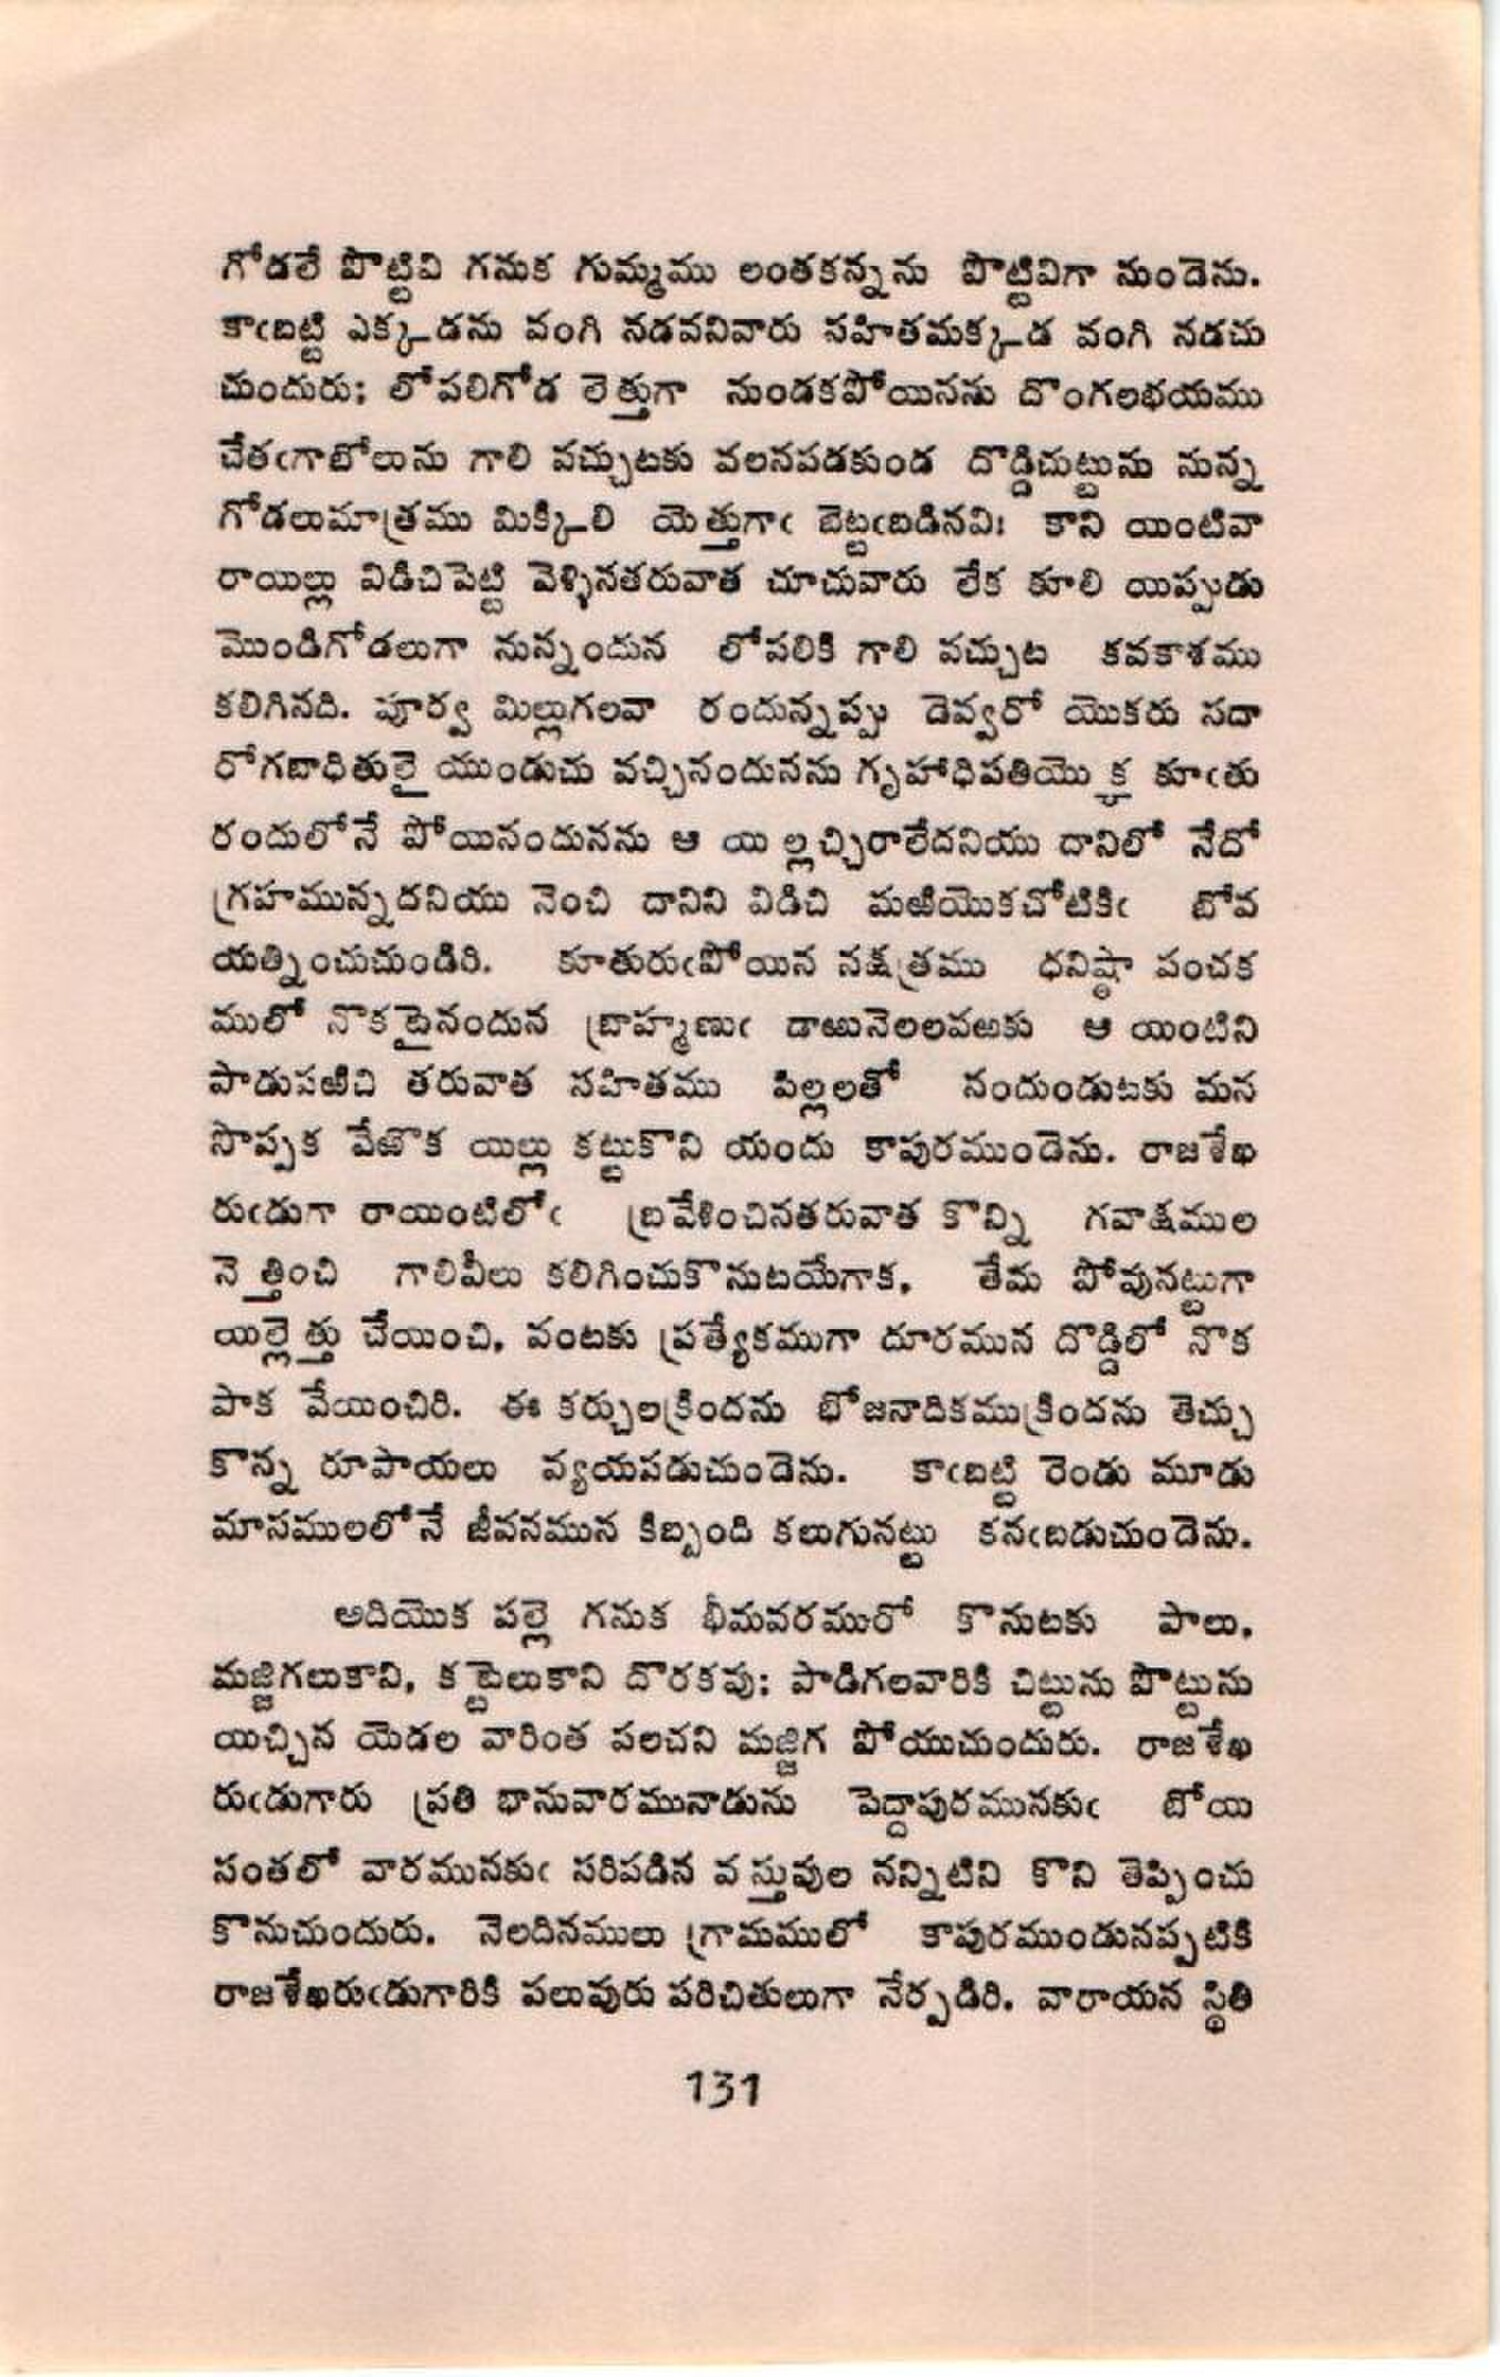గోడలే పొట్టివి గనుక గుమ్మము లంతకన్నను పొట్టివిగా నుండెను. కాఁబట్టి ఎక్కడను వంగి నడవనివారు సహితమక్కడ వంగి నడచు చుందురు; లోపలిగోడ లెత్తుగా నుండకపోయినను దొంగలభయము చేతఁగాబోలును గాలి వచ్చుటకు వలనపడకుండ దొడ్డిచుట్టును నున్న గోడలు మాత్రము మిక్కిలి యెత్తుగాఁ బెట్టబడినవి. కాని యింటివా రాయిల్లు విడిచిపెట్టి వెళ్ళినతరువాత చూచువారు లేక కూలి యిప్పుడు మొండిగోడలుగా నున్నందున లోపలికి గాలి వచ్చుట కవకాశము కలిగినది. పూర్వ మిల్లుగలవా రందున్నప్పు డెవ్వరో యొకరు సదా రోగబాధితులైయుండుచు వచ్చినందునను గృహాధిపతియెుక్క కూఁతు రందులోనే పోయినందునను ఆ యిల్లచ్చిరాలేదనియు దానిలో నేదో గ్రహమున్నదనియు నెంచి దానిని విడిచి మఱియొకచోటికిఁ బోవ యత్నించుచుండిరి. కూతురుఁపోయిన నక్షత్రము ధనిష్టా పంచక ములో నొకటైనందున బ్రాహ్మణుఁ డాఱునెలల వఱకు ఆ యింటిని పాడుపఱిచి తరువాత సహితము పిల్లలతో నందుండుటకు మన సొప్పక వేఱొక యిల్లు కట్టుకొని యందు కాపురముండెను. రాజశేఖ రుఁడుగా రాయింటిలోఁ బ్రవేశించినతరువాత కొన్ని గవాక్షముల నెత్తించి గాలివీలు కలిగించుకొనుటయేగాక, తేమ పోవునట్టుగా యిల్లెత్తు చేయించి, వంటకు ప్రత్యేకముగా దూరమున దొడ్డిలో నొక పాక వేయించిరి. ఈ కర్చులక్రిందను భోజనాదికముక్రిందను తెచ్చు కొన్న రూపాయలు వ్యయపడుచుండెను. కాఁబట్టి రెండు మూడు మాసములలోనే జీవనమున కిబ్బంది కలుగునట్టు కనఁబడుచుండెను.

అదియొక పల్లె గనుక భీమవరములో కొనుటకు పాలు, మజ్జిగలుకాని, కట్టెలుకాని దొరకవు; పాడిగలవారికి చిట్టును పొట్టును యిచ్చిన యెడల వారింత పలచని మజ్జిగ పోయుచుందురు. రాజశేఖ రుఁడుగారు ప్రతి భానువారమునాడును పెద్దాపురమునకుఁ బోయి సంతలో వారమునకుఁ సరిపడిన వస్తువుల నన్నిటిని కొని తెప్పించు కొనుచుందురు. నెలదినములు గ్రామములో కాపురముండునప్పటికి రాజశేఖరుఁడుగారికి పలువురు పరిచితులుగా నేర్పడిరి. వారాయన స్థితి